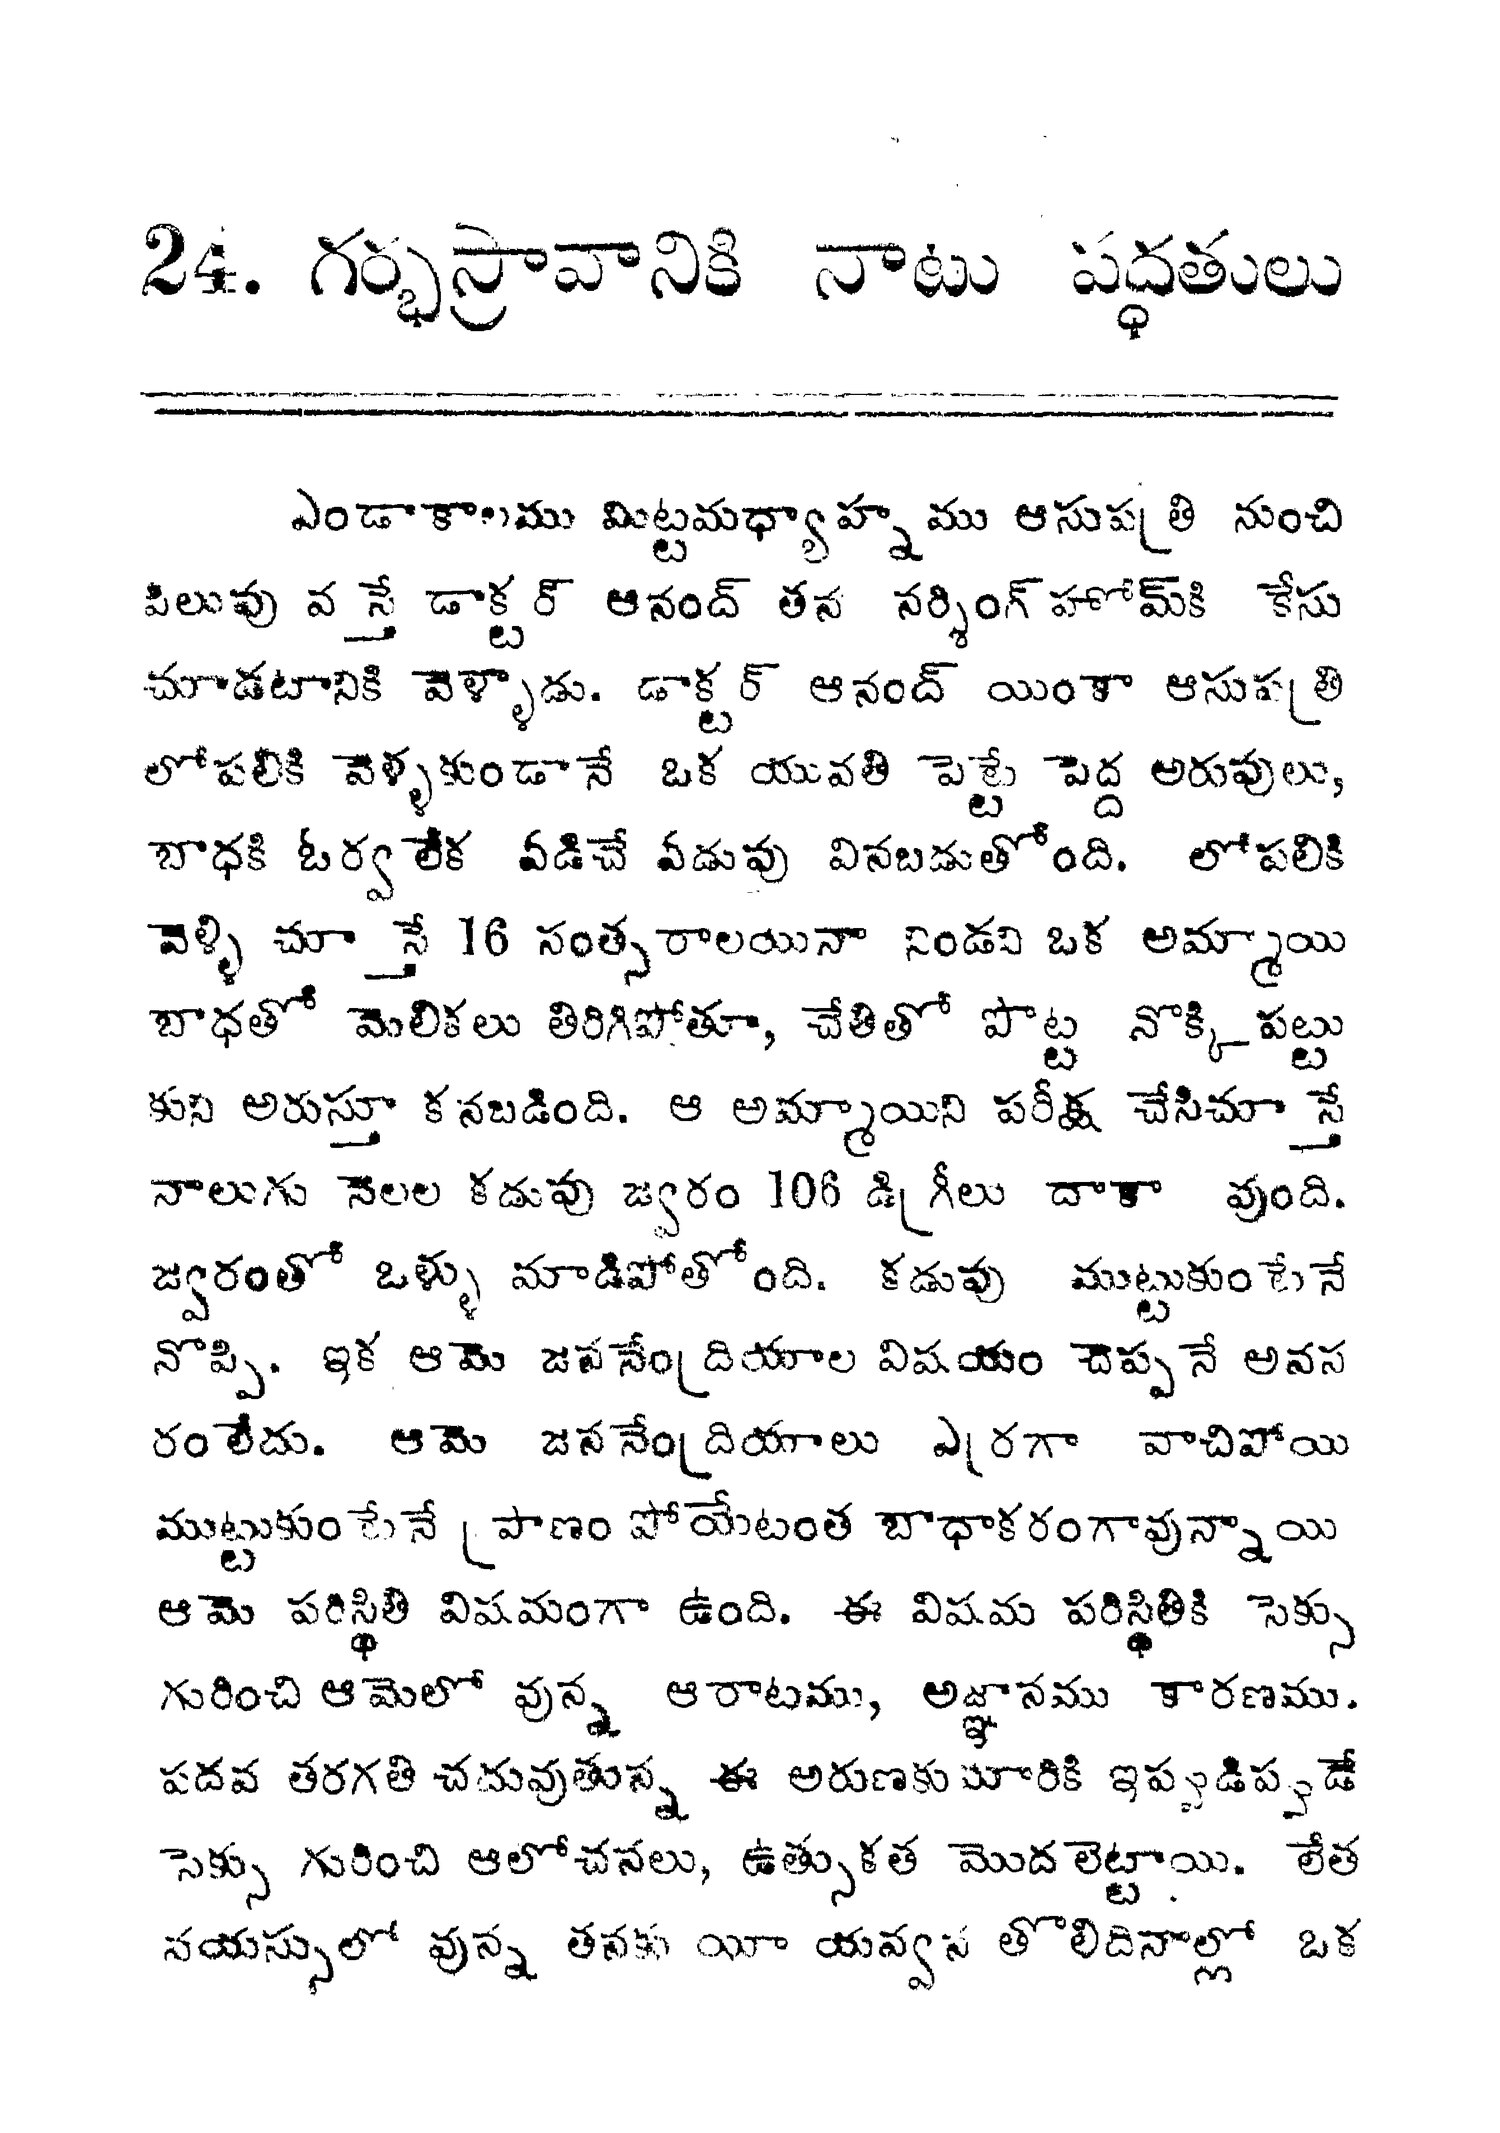ఎండాకాలము మిట్టమధ్యాహ్నము ఆసుపత్రి నుంచి పిలుపు వస్తే డాక్టర్ ఆనంద్ తన నర్సింగ్ హోమ్‌కి కేసు చూడడానికి వెళ్ళాడు. డాక్టర్ ఆనంద్ యింకా ఆసుపత్రి లోపలికి వెళ్ళకుండానే ఒక యువతి పెట్టే పెద్ద అరుపులు, బాధకి ఓర్వలేక ఏడిచే ఏడుపు వినబడుతోంది. లోపలికి వెళ్ళి చూస్తే 16 సంవత్సరాలయినా నిండని ఒక అమ్మాయి బాధతో మెలికలు తిరిగిపోతూ, చేతితో పొట్ట నొక్కిపట్టుకుని అరుస్తూ కనబడింది. ఆ అమ్మాయిని పరీక్ష చేసిచూస్తే నాలుగు నెలల కడుపు జ్వరం 106 డిగ్రీలు దాకా వుంది. జ్వరంతో ఒళ్ళు మాడిపోతోంది. కడుపు ముట్టుకుంటేనే నొప్పి. ఇక ఆమె జననేంద్రియాల విషయం చెప్పనే అవసరంలేదు. ఆమె జననేంద్రియాలు ఎర్రగా వాచిపోయి ముట్టుకుంటేనే ప్రాణం పోయేటంత బాధాకరంగావున్నాయి. ఆమె పరిస్థితి విషమంగా ఉంది. ఈ విషమ పరిస్థితికి సెక్సు గురించి ఆమెలో వున్న ఆరాటము, అజ్ఞానము కారణము. పదవ తరగతి చదువుతున్న ఈ అరుణకుమారికి ఇప్పుడిప్పుడే సెక్సు గురించి ఆలోచనలు, ఉత్సుకత మొదలెట్టాయి. లేత వయస్సులో వున్న తనకు యీ యవ్వన తొలిదినాల్లో ఒక